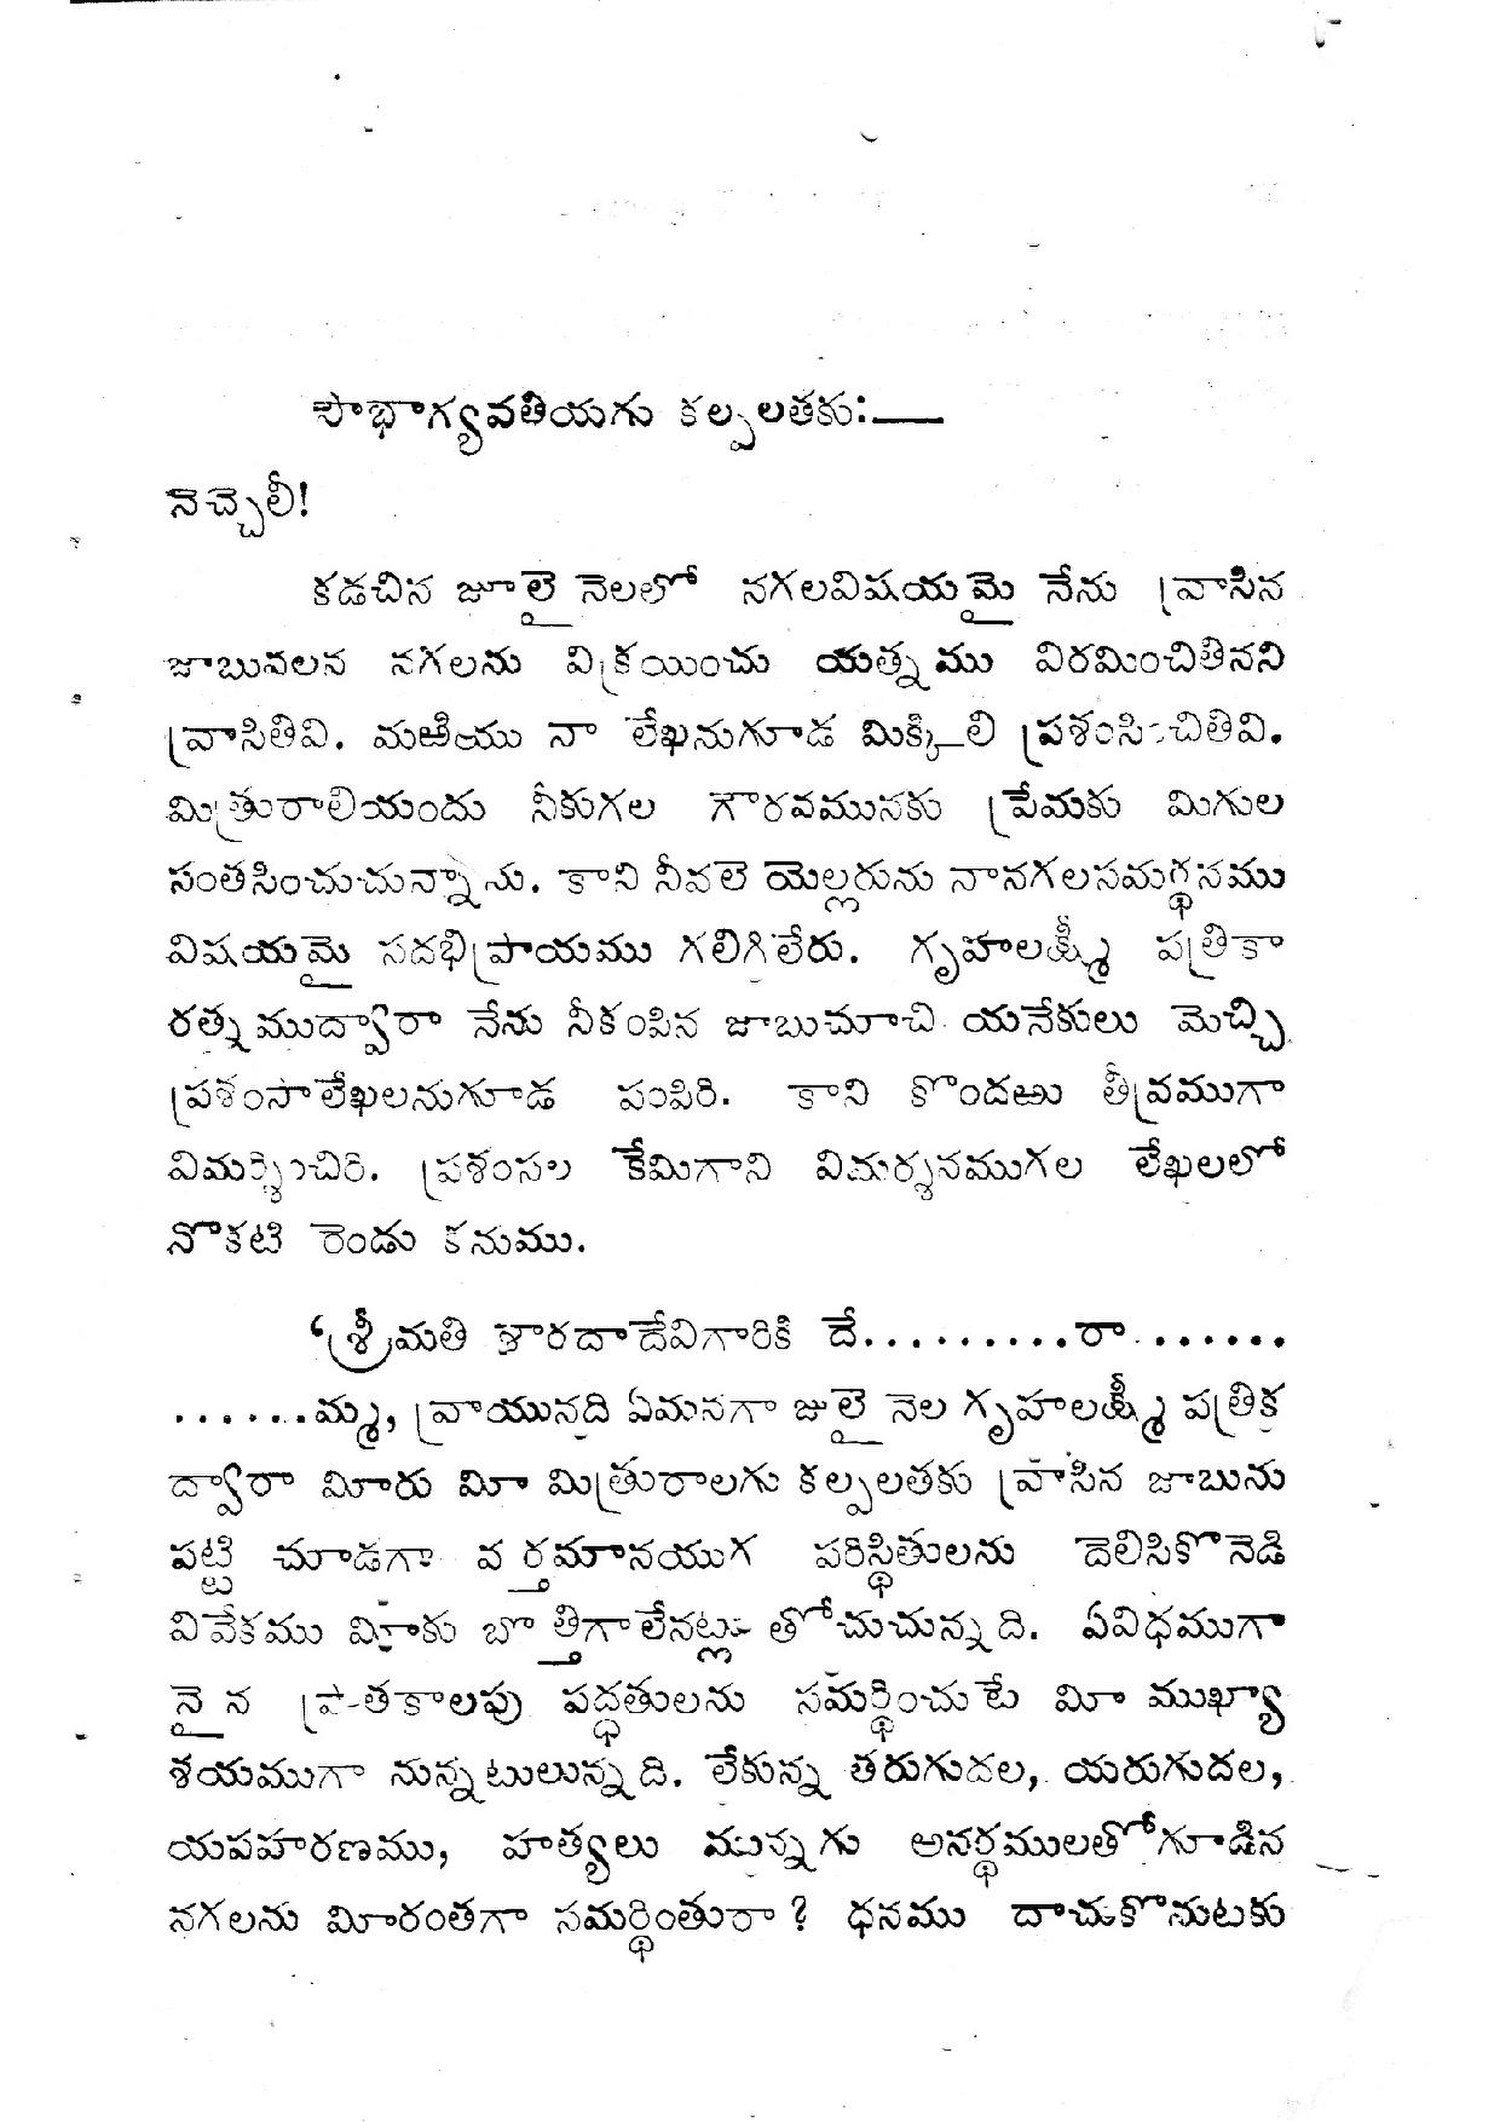సౌభాగ్యవతియగు కల్పలతకు:___

కడచిన జూలై నెలలో నగలవిషయమై నేను వ్రాసిన
జాబువలన నగలను విక్రయించు యత్నము విరమించితినని
వ్రాసితివి. మఱియు నా లేఖనుగూడ మిక్కిలి ప్రశంసించితివి.
మిత్రురాలియందు నీకుగల గౌరవమునకు ప్రేమకు మిగుల
సంతసించుచున్నాను. కాని నీవలె యెల్లరును నానగలసమర్థనము
విషయమై సదభిప్రాయము గలిగిలేరు. గృహలక్ష్మీ పత్రికా
రత్నముద్వారా నేను నీకంపిన జాబుచూచి యనేకులు మెచ్చి
ప్రశంసాలేఖలనుగూడ పంపిరి. కాని కొందఱు తీవ్రముగా
విమర్శించిరి. ప్రశంసల కేమిగాని విమర్శనముగల లేఖలలో
నొకటి రెండు కనుము.

'శ్రీమతి శారదాదేవిగారికి దే......... రా......
......మ్మ, వ్రాయునది ఏమనగా జులై నెల గృహలక్ష్మీ పత్రిక
ద్వారా మీరు మీ మిత్రురాలను కల్పలతకు వ్రాసిన జాబును
పట్టి చూడగా వర్తమానయుగ పరిస్థితులను దెలిసికొనెడి
వివేకము మీకు బొత్తిగా లేనట్లు తోచుచున్నది. ఏవిధముగా
నైన ప్రాతకాలపు పద్ధతులను సమర్థించుటే మీ ముఖ్యా
శయముగా నున్నటులున్నది. లేకున్న తరుగుదల, యరుగుదల,
యపహరణము, హత్యలు మున్నగు అనర్థములతోగూడిన
నగలను మీరంతగా సమర్థింతురా ? ధనము దాచుకొనుటకు